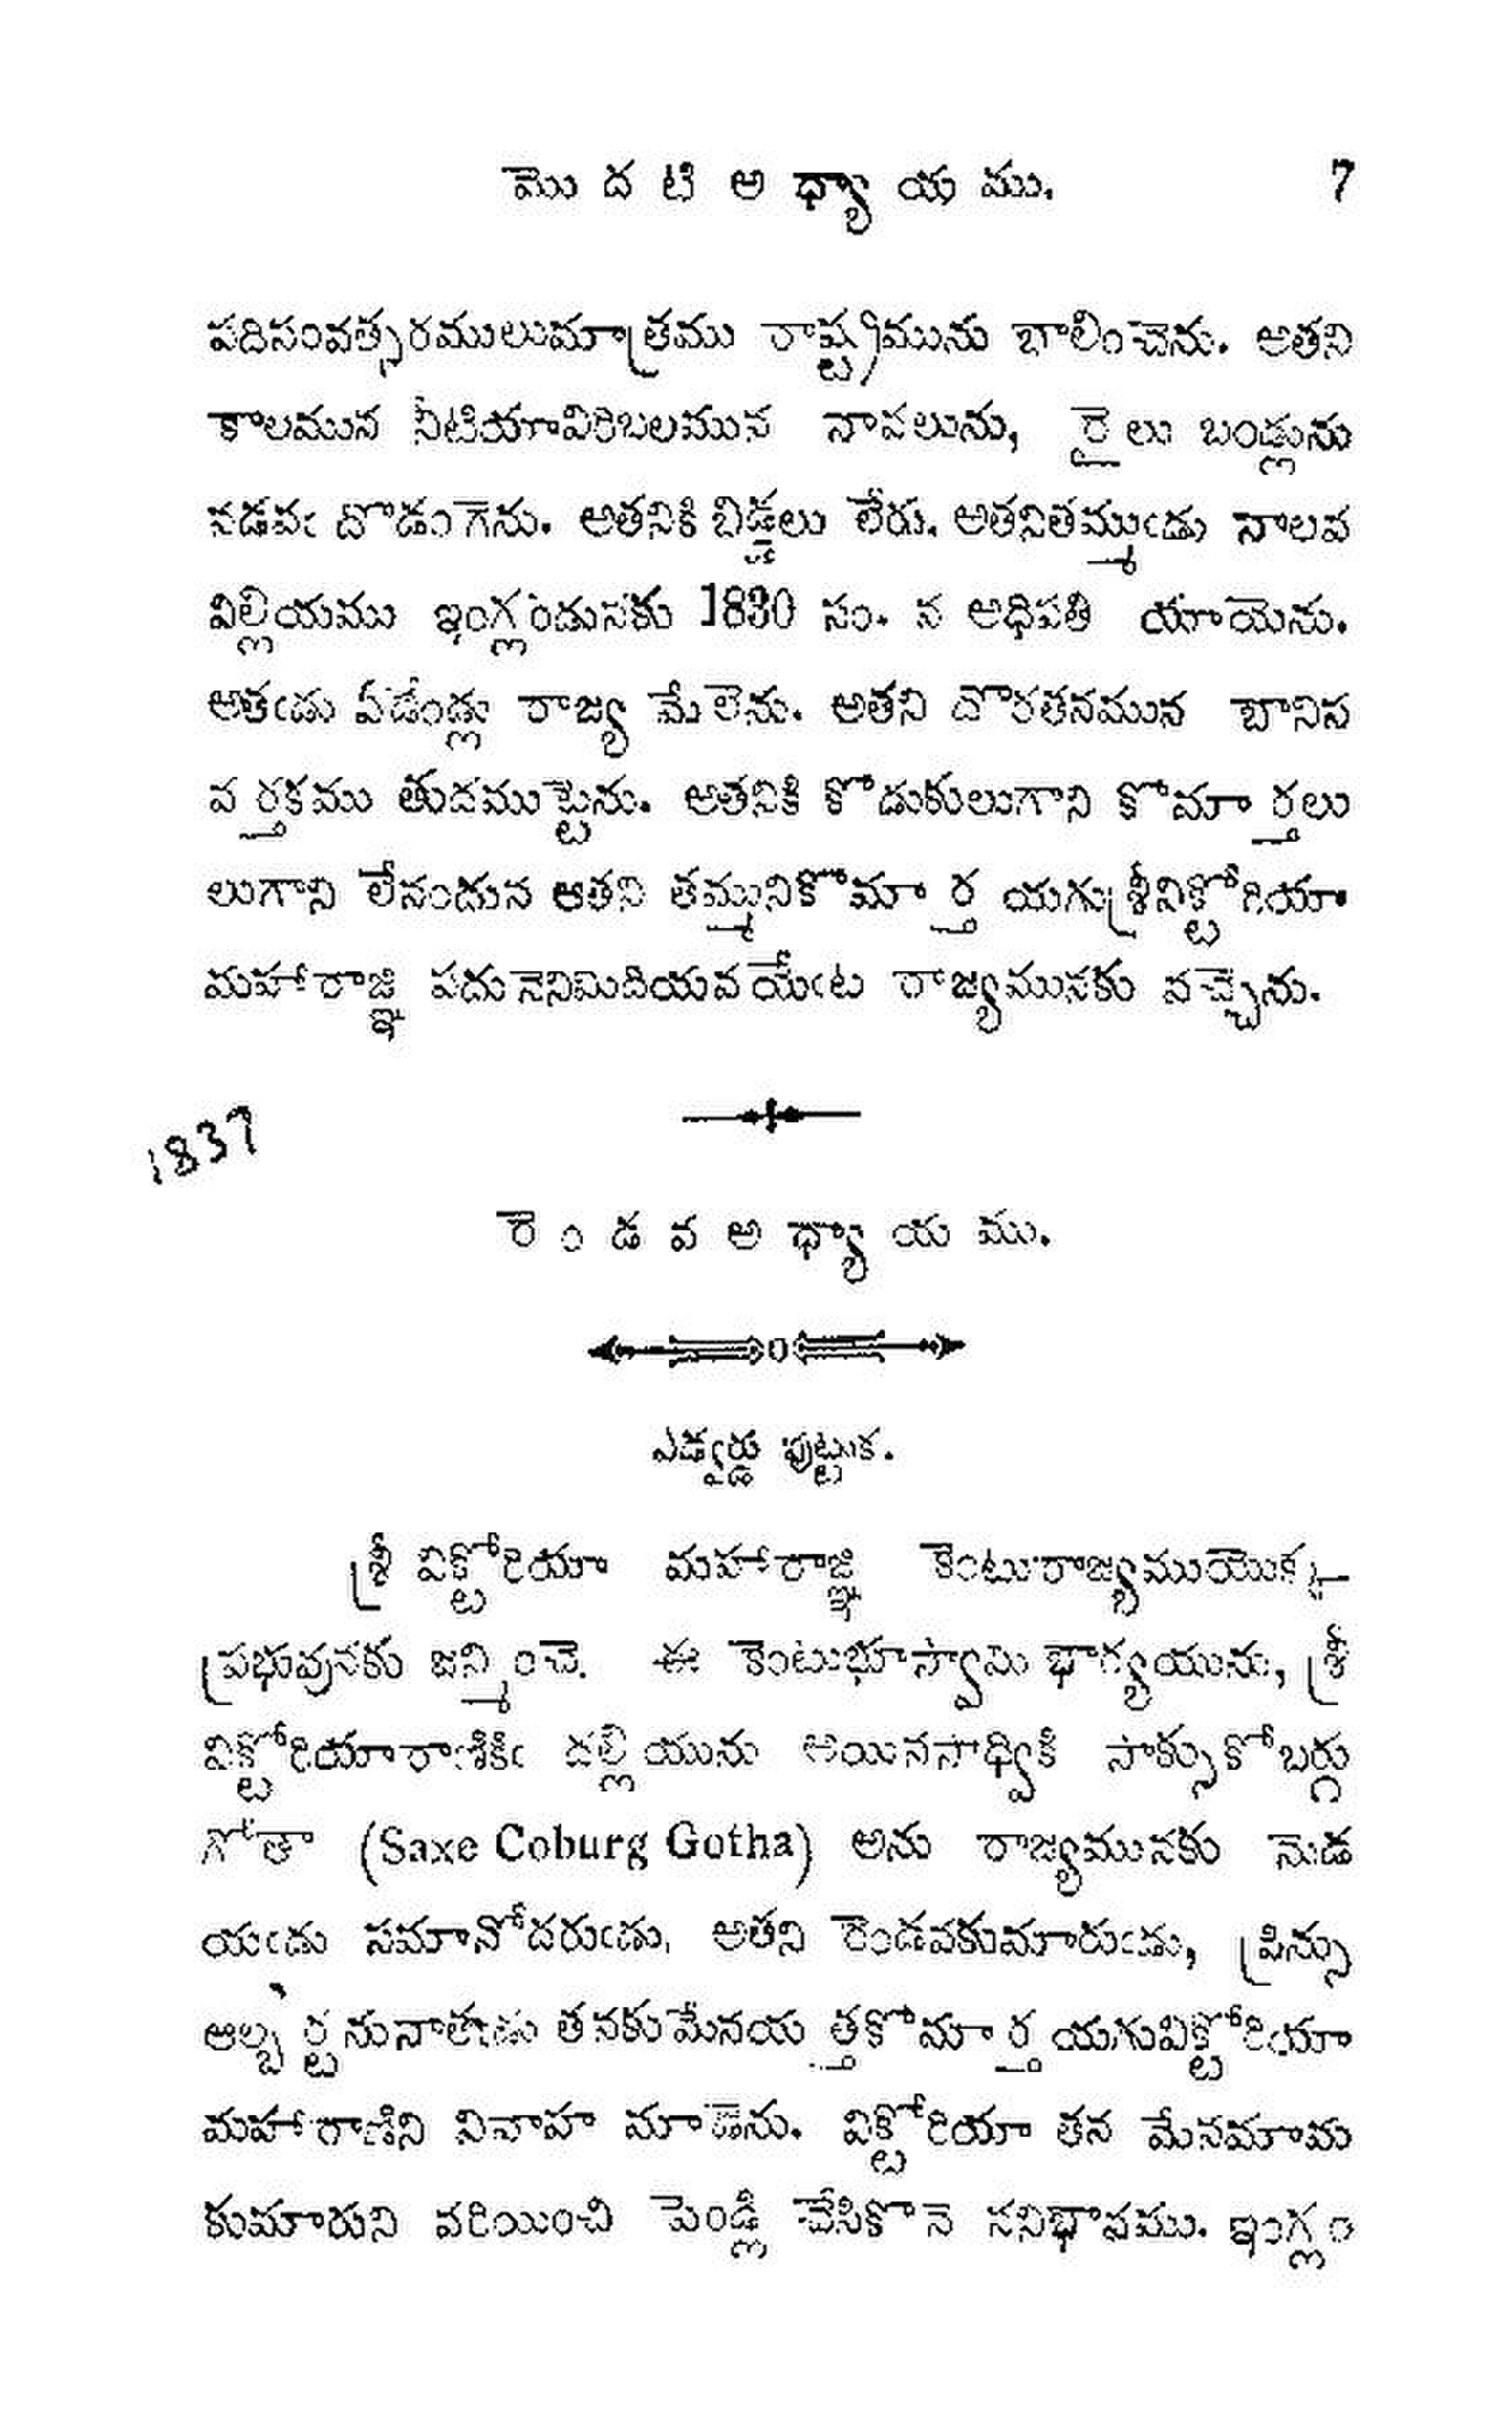పదిసంవత్సరములుమాత్రము రాష్ట్రమును బాలించెను. అతని కాలమున నీటియావిరిబలమున నావలును, రైలు బండ్లును నడవఁ దొడంగెను. అతనికి బిడ్డలు లేరు. అతనితమ్ముఁడు నాలవ
విల్లియము ఇంగ్లండునకు 1830 సం. న అధిపతి యాయెను. అతఁడు ఏడేండ్లు రాజ్య మేలెను. అతని దొరతనమున బానిస వర్తకము తుదముట్టెను. అతనికి కొడుకులుగాని కొమార్తలు గాని లేనందున అతని తమ్మునికొమార్త యగుశ్రీవిక్టోరియా మహారాజ్ఞి పదునెనిమిదియవ యేఁట రాజ్యమునకు వచ్చెను.

రెండవ అధ్యాయము.

శ్రీ విక్టోరియా మహారాజ్ఞి కెంటురాజ్యముయొక్క ప్రభువునకు జన్మించె. ఈ కెంటుభూస్వామి భార్యయును, శ్రీ విక్టోరియారాణికిఁ దల్లియును అయినసాధ్వికి సాక్సుకోబర్గు గోతా (Saxe Coburg Gotha) అను రాజ్యమునకు నొడయఁడు సమానోదరుఁడు, అతని రెండవకుమారుఁడు, ప్రిన్సు
ఆల్బర్టను నాతఁడు తనకు మేనయత్తకోమార్త యగువిక్టోరియా మహారాణిని వివాహ మాడెను. విక్టోరియా తన మేనమామ కుమారుని వరియించి పెండ్లి చేసికొనె ననిభావము. ఇంగ్లం